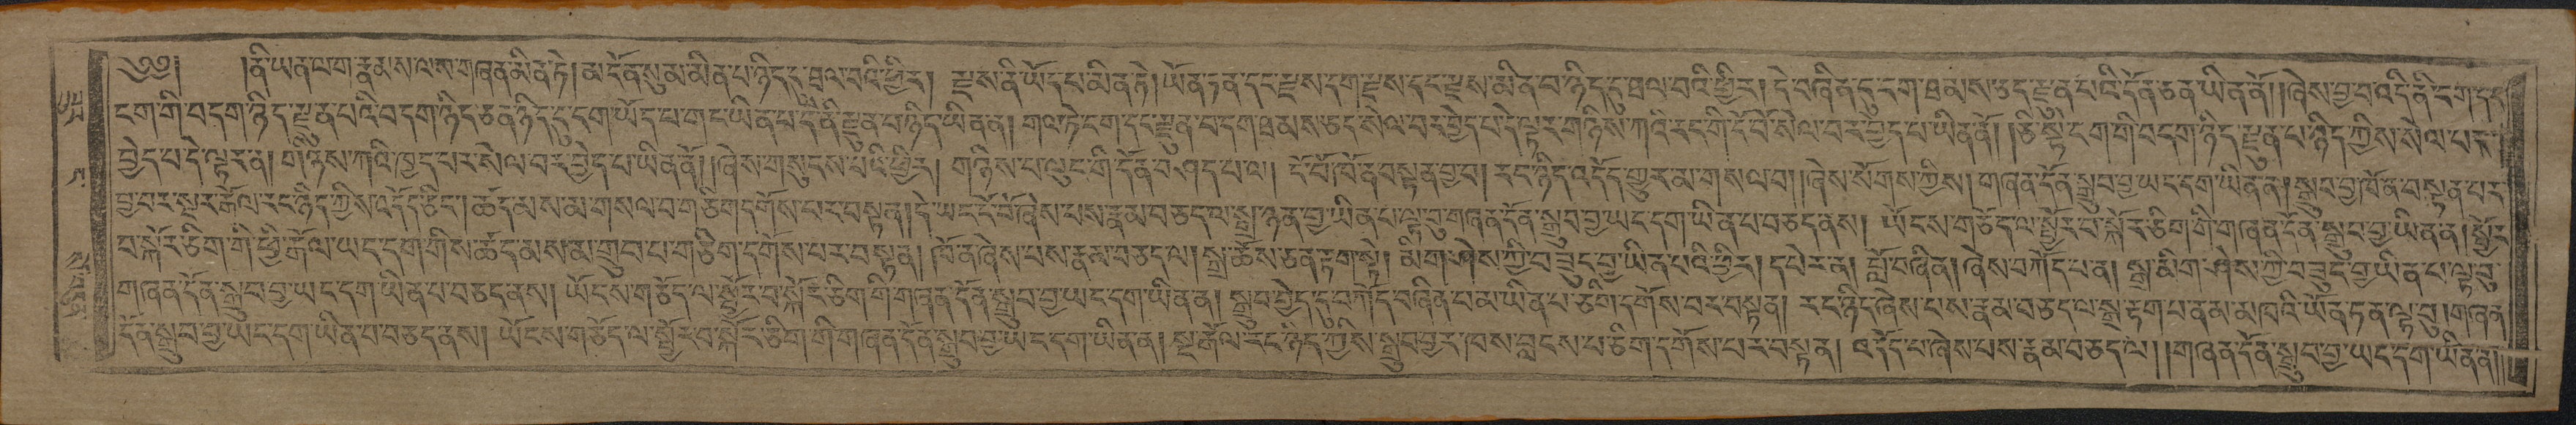༄༅། །ནི་ཡན་ལག་རྣམས་ལས་གཞན་མིན་ཏེ། མངོན་སུམ་མིན་པ་ཉིད་དུ་ཐལ་བའི་ཕྱིར། རྫས་ནི་ཡོད་པ་མིན་ཏེ། ཡོན་ཏན་དང་རྫས་དག་རྫས་དང་རྫས་མིན་བ་ཉིད་དུ་ཐལ་བའི་ཕྱིར། དེ་བཞིན་དུ་ངག་ཐམས་ཅད་རྫུན་པའི་དོན་ཅན་ཡིན་ནོ། །ཞེས་བྱ་བ་འདི་ནི་ངག་དང་
ངག་གི་བདག་ཉིད་རྫུན་པའི་བདག་ཉིད་ཅན་ཉིད་དུ་ངག་ཡོད་པ་གང་ཡིན་པ་དེ་ནི་རྫུན་བ་ཉིད་ཡིན་ན། གལ་ཏེ་ངག་དང་རྫུན་བདག་ཐམས་ཅད་སེལ་བར་བྱེད་པ་དེ་ལྟར་གཉིས་ཀའི་རང་གི་ངོ་བོ་སེལ་བར་བྱེད་པ་ཡིན་ནོ། །ཅི་སྟེ་ངག་གི་བདག་ཉིད་རྫུན་པ་ཉིད་ཀྱིས་སེལ་པར་
ཕ༹བྱེད་པ་དེ་ལྟར་ན། གཉིས་ཀའི་ཁྱད་པར་སེལ་བར་བྱེད་པ་ཡིན་ནོ། །ཞེས་གསུངས་པའི་ཕྱིར། གཉིས་པ་ལུང་གི་དོན་བཤད་པ་ལ། ངོ་བོ་ཁོ་ན་བསྟན་བྱ་བ། རང་ཉིད་འདོད་གྱུར་མ་གསལ་བ། །ཞེས་སོགས་ཀྱིས། གཞན་དོན་སྒྲུབ་བྱ་ཡང་དག་ཡིན་ན། སྒྲུབ་བྱ་ཁོ་ན་བསྟན་པར་
བྱ་བར་སྔར་རྒོལ་རང་ཉིད་ཀྱིས་འདོད་ཅིང་། ཚད་མས་མ་གསལ་བ་གཅིག་དགོས་པར་བསྟན། དེ་ཡང་ངོ་བོ་ཞེས་པས་རྣམ་བཅད་ལ་སྒྲ་ཉན་བྱ་ཡིན་པ་ལྟ་བུ་གཞན་དོན་སྒྲུབ་བྱ་ཡང་དག་ཡིན་པ་བཅད་ནས། ཡོངས་གཅོད་ལ་སྦྱོར་བ་སྐོར་ཅིག་གི་གཞན་དོན་སྒྲུབ་བྱ་ཡིན་ན། སྦྱོར་
བ་སྐོར་ཅིག་གི་ཕྱི་རྒོལ་ཡང་དག་གིས་ཚད་མས་མ་གྲུབ་པ་གཅིག་དགོས་པར་བསྟན། ཁོ་ན་ཞེས་པས་རྣམ་བཅད་ལ། སྒྲ་ཆོས་ཅན་རྟག་སྟེ། མིག་ཤེས་ཀྱི་བཟུང་བྱ་ཡིན་པའི་ཕྱིར། དཔེར་ན། བློ་བཞིན། ཞེས་བཀོད་པ་ན། སྒྲ་མིག་ཤེས་ཀྱི་བཟུང་བྱ་ཡིན་པ་ལྟ་བུ་
གཞན་དོན་སྒྲུབ་བྱ་ཡང་དག་ཡིན་པ་བཅད་ནས། ཡོངས་གཅོད་ལ་སྦྱོར་བ་སྐོར་ཅིག་གི་གཞན་དོན་སྒྲུབ་བྱ་ཡང་དག་ཡིན་ན། སྒྲུབ་བྱེད་དུ་བཀོད་བཞིན་པ་མ་ཡིན་པ་ཅིག་དགོས་པར་བསྟན། རང་ཉིད་ཞེས་པས་རྣམ་བཅད་ལ་སྒྲ་རྟག་པ་ནམ་མཁའི་ཡོན་ཏན་ལྟ་བུ། གཞན་
དོན་སྒྲུབ་བྱ་ཡང་དག་ཡིན་པ་བཅད་ནས། ཡོངས་གཅོད་ལ་སྦྱོར་བ་སྐོར་ཅིག་གི་གཞན་དོན་སྒྲུབ་བྱ་ཡང་དག་ཡིན་ན། སྔ་རྒོལ་རང་ཉིད་ཀྱིས་སྒྲུབ་བྱར་ཁས་བླངས་པ་ཅིག་དགོས་པར་བསྟན། འདོད་པ་ཞེས་པས་རྣམ་བཅད་ལ། །གཞན་དོན་སྒྲུབ་བྱ་ཡང་དག་ཡིན་ན། །